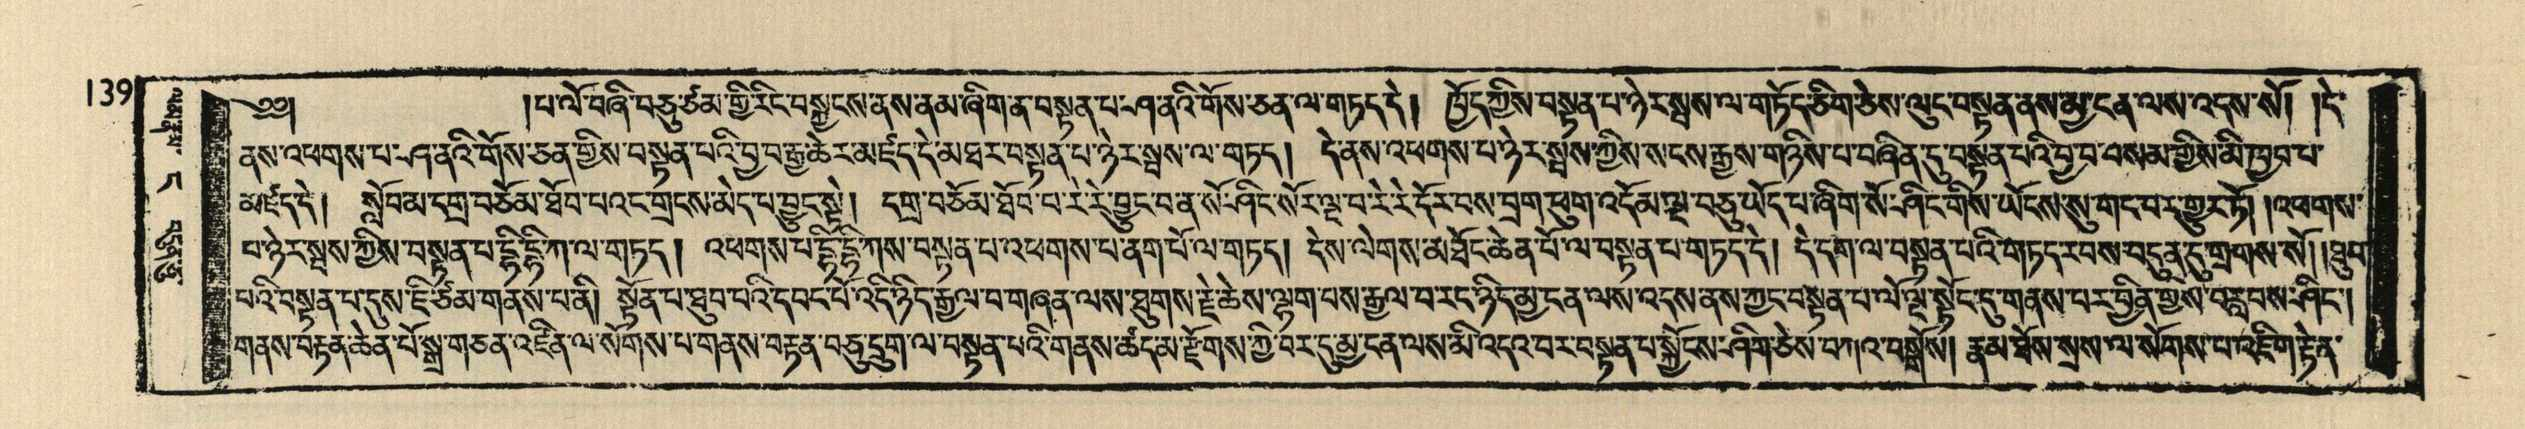༄༅། །པ་ལོ་བཞི་བཅུ་ཙམ་གྱི་རིང་བསྐྱངས་ནས་ནམ་ཞིག་ན་བསྟན་པ་ཤ་ནའི་གོས་ཅན་ལ་གཏད་དེ། ཁྱོད་ཀྱིས་བསྟན་པ་ཉེར་སྤས་ལ་གཏོད་ཅིག་ཅེས་ལུང་བསྟན་ནས་མྱ་ངན་ལས་འདས་སོ། །དེ་
ནས་འཕགས་པ་ཤ་ནའི་གོས་ཅན་གྱིས་བསྟན་པའི་བྱ་བ་རྒྱ་ཆེར་མཛད་དེ་མཐར་བསྟན་པ་ཉེར་སྤས་ལ་གཏད། དེ་ནས་འཕགས་པ་ཉེར་སྤས་ཀྱིས་སངས་རྒྱས་གཉིས་པ་བཞིན་དུ་བསྟན་པའི་བྱ་བ་བསམ་གྱིས་མི་ཁྱབ་པ་
མཛད་དེ། སློབ་མ་དགྲ་བཅོམ་ཐོབ་པའང་གྲངས་མེད་པ་བྱུང་སྟེ། དགྲ་བཅོམ་ཐོབ་པ་རེ་རེ་བྱུང་བ་ན་སོ་ཤིང་སོར་ལྔ་བ་རེ་རེ་དོར་བས་བྲག་ཕུག་འདོམ་ལྔ་བཅུ་ཡོད་པ་ཞིག་སོ་ཤིང་གིས་ཡོངས་སུ་གང་བར་གྱུར་ཏོ། །འཕགས་
པ་ཉེར་སྦས་ཀྱིས་བསྟན་པ་དྷི་དྷི་ཀ་ལ་གཏད། འཕགས་པ་དྷི་དྷི་ཀས་བསྟན་པ་འཕགས་པ་ནག་པོ་ལ་གཏད། དེས་ལེགས་མཐོང་ཆེན་པོ་ལ་བསྟན་པ་གཏད་དེ། དེ་དག་ལ་བསྟན་པའི་གཏད་རབས་བདུན་དུ་གྲགས་སོ། །ཐུབ་
པའི་བསྟན་པ་དུས་ཇི་ཙམ་གནས་པ་ནི། སྟོན་པ་ཐུབ་པའི་དབང་པོ་འདི་ཉིད་རྒྱལ་བ་གཞན་ལས་ཐུགས་རྗེ་ཆེས་ལྷག་པས་རྒྱལ་བ་རང་ཉིད་མྱ་ངན་ལས་འདས་ནས་ཀྱང་བསྟན་པ་ལོ་ལྔ་སྟོང་དུ་གནས་པར་བྱིན་གྱིས་བརླབས་ཤིང་།
གནས་བརྟན་ཆེན་པོ་སྒྲ་གཅན་འཛིན་ལ་སོགས་པ་གནས་བརྟན་བཅུ་དྲུག་ལ་བསྟན་པའི་གནས་ཚད་མ་རྫོགས་ཀྱི་བར་དུ་མྱ་ངན་ལས་མི་འདའ་བར་བསྟན་པ་སྐྱོངས་ཤིག་ཅེས་བཀའ་བསྒོས། རྣམ་ཐོས་སྲས་ལ་སོགས་པ་འཇིག་རྟེན་